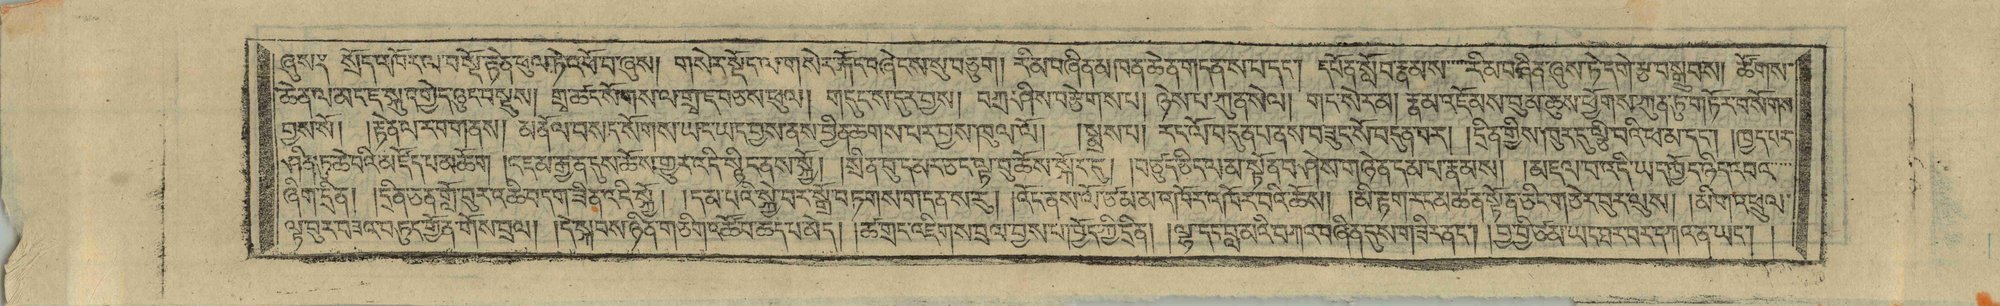ཞུས༑ སྲོད་འཁོར་ལ་བསྔོ་རྟེན་ཕུལ་ཏེ་འཕོ་བ་ཞུས། གསེར་སྡོང་ལ་གསེར་རྐོང་བཞེངས་སུ་བཅུག །རིམ་བཞིན་མཁན་ཆེན་གདན་ས་པ་དང་། དཔོན་སློབ་རྣམས་རིམ་བཞིན་ཞུས་ཏེ་དགེ་རྩ་བསྒྲུབས། ཚོགས་
ཆེན་ལ་མང་ཇ་སྐུ་འགྱེད་ཉུང་བསྡུས། གྲྭ་ཚང་སོགས་ལ་གྲྭ་ཇ་བཅས་ཕུལ། གདུང་ས་དུར་བྱས། བཀྲ་ཤིས་བརྩེགས་པ། ཉེས་པ་ཀུན་སེལ། གང་སེར་མ། རྣམ་འཇོམས་བུམ་ཆུས་ཕྱོགས་ཀུན་ཏུ་གཏོར་བ་སོགས་
བྱས་སོ། །རྟེན་ལ་རབ་གནས། མནོལ་བསད་སོགས་ཡང་ཡང་བྱས་ནས་བྱིན་ཆགས་པར་བྱས་ཁུལ་ལོ། །སྨྲས་པ། རང་ལོ་བདུན་པ་ནས་བཟུང་སོ་བདུན་པར། །དྲིན་གྱིས་ཁུར་དུ་ལྕི་བའི་ཕ་མ་དང་། །ཁྱད་པར་
ཤིན་ཏུ་ཆེ་བའི་མཛོད་པ་མཆོག །འཇམ་རྒྱན་དུས་ཆོས་གྱུར་འདི་སྙིང་ནས་སྐྱོ། །སྲིན་བུ་དམར་ཅང་ལྟ་བུ་ཆོས་སྐོར་དུ། །བཙུད་ཅིང་ལམ་སྟོན་བཤེས་གཉེན་དམ་པ་རྣམས། །མཇལ་བ་འདི་ཡང་ཁྱོད་ཉིད་འབའ་
ཞིག་དྲིན། །དྲིན་ཅན་གློ་བུར་འཆི་བདག་ཟིན་འདི་སྐྱོ། །དམ་པའི་སྐྱེ་བར་སྒྲོ་བཏགས་གདན་ས་རུ། །འོང་ནས་ལོ་ཙམ་མ་འཁོར་འཁོར་བའི་ཆོས། །མི་རྟག་རང་མཚན་སྟོན་ཅིང་གཅེར་བུར་ལུས། །མིག་འཕྲུལ་
ལྟ་བུར་བཟའ་བཏུང་གྱོན་གོས་བྲལ། །དེ་སྐབས་ཉིན་གཅིག་འཚོ་བ་ཆད་པ་མེད། །ཚ་གྲང་འཇིགས་བྲལ་བྱས་པ་ཁྱོད་ཀྱི་དྲིན། །ལྷ་དང་བླ་མའི་བཀའ་བཞིན་དུས་གཟིར་ནང་། །བྱ་བྱི་ཙམ་ཡང་ཐར་བར་དཀའ་ན་ཡང་། །